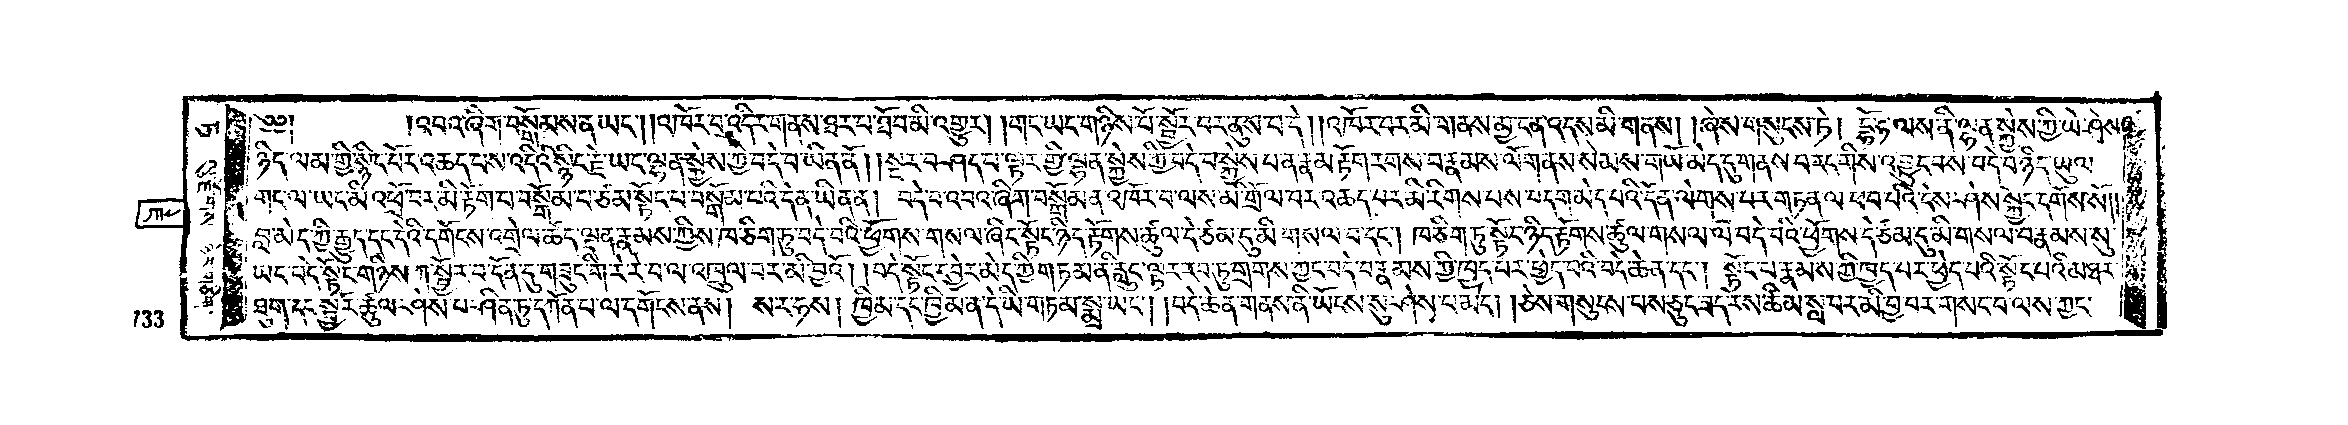༄༅། །འབའ་ཞིག་བསྒོམས་ན་ཡང་། །འཁོར་བ་འདིར་གནས་ཐར་པ་ཐོབ་མི་འགྱུར། །གང་ཡང་གཉིས་པོ་སྦྱོར་བར་ནུས་པ་དེ། །འཁོར་བར་མི་གནས་མྱ་ངན་འདས་མི་གནས། །ཞེས་གསུངས་ཏེ། དྷོ་ཧ་ལས་ནི་ལྷན་སྐྱེས་ཀྱི་ཡེ་ཤེས་
ཉིད་ལམ་གྱི་སྙིང་པོར་འཆད་པས་འདིའི་སྙིང་རྗེ་ཡང་ལྷན་སྐྱེས་ཀྱི་བདེ་བ་ཡིན་ནོ། །སྔར་བཤད་པ་ལྟར་གྱི་ལྷན་སྐྱེས་ཀྱི་བདེ་བ་སྐྱེས་པ་ན་རྣམ་རྟོག་རགས་པ་རྣམས་ལོག་ནས་སམས་གཡོ་མེད་དུ་གནས་པ་དང་གིས་འབྱུང་བས་བདེ་བ་ཉིད་ཡུལ་
གང་ལ་ཡང་མི་འཕྲོ་བར་མི་རྟོག་པ་བསྒོམ་པ་ཙམ་སྟོང་པ་བསྒོམ་པའི་དེན་ཡིན་ན། བདེ་བ་འབའ་ཞིག་བསྒོམ་ན་འཁོར་བ་ལས་མི་གྲོལ་བར་འཆད་པར་མི་རིགས་པས་བདག་མེད་པའི་དོན་ལེགས་པར་གཏན་ལ་ཕབ་པའི་ངེས་ཤེས་སྐྱོང་དགོས་སོ། །
བླ་མེད་ཀྱི་རྒྱུད་དང་དེའི་དགོངས་འགྲེལ་ཚད་ལྡན་རྣམས་ཀྱིས་ཁ་ཅིག་ཏུ་བདེ་བའི་ཕྱོགས་གསལ་ཞིང་སྟོང་ཉིད་རྟོགས་ཚུལ་དེ་ཙམ་དུ་མི་གསལ་བ་དང་། ཁ་ཅིག་ཏུ་སྟོང་ཉིད་རྟོགས་ཚུལ་གསལ་ལ་བདེ་བའི་ཕྱོགས་དེ་ཙམ་དུ་མི་གསལ་བ་རྣམས་སུ་
ཡང་བདེ་སྟོང་གཉིས་ཀ་སྦྱོར་བ་དོན་དུ་གཟུང་གི་རེ་རེ་བ་ལ་འཁྲུལ་བར་མི་བྱའོ། །བདེ་སྟོང་དབྱེར་མེད་ཀྱི་གཏམ་ནི་རླུང་ལྟར་རབ་ཏུ་གྲགས་ཀྱང་བདེ་བ་རྣམས་ཀྱི་ཁྱད་པར་ཕྱེད་པའི་བདེ་ཆེན་དང་། སྟོང་པ་རྣམས་ཀྱི་ཁྱད་པར་ཕྱེད་པའི་སྟོང་པའི་མཐར་
ཐུག་དང་སྦྱོར་ཚུལ་ཤེས་པ་ཤིན་ཏུ་དཀོན་པ་ལ་དགོངས་ནས། ས་ར་ཧས། ཁྱིམ་དང་ཁྱིམ་ན་དེ་ཡི་གཏམ་སྨྲ་ཡང་། །བདེ་ཆེན་གནས་ནི་ཡོངས་སུ་ཤེས་པ་མེད། །ཅེས་གསུངས་པས་ཅུང་ཟད་རེས་ཚིམ་སླ་བར་མི་བྱ་བར་གསང་བ་ལས་ཀྱང་